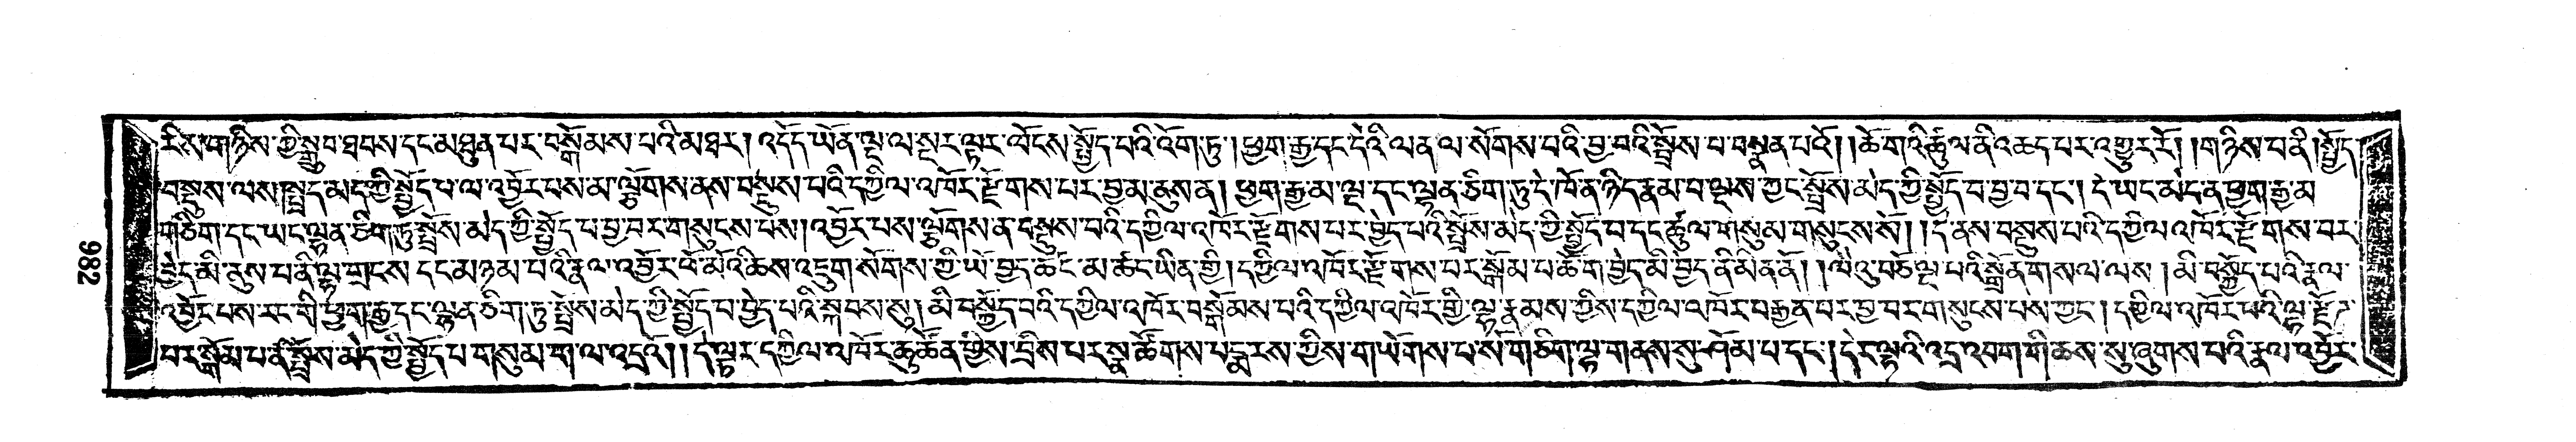རིམ་གཉིས་ཀྱི་སྒྲུབ་ཐབས་དང་མཐུན་པར་བསྒོམས་པའི་མཐར། འདོད་ཡོན་ལྔ་ལ་སྔར་ལྟར་ལོངས་སྤྱོད་པའི་འོག་ཏུ། ཕྱག་རྒྱ་དང་དེའི་ལན་ལ་སོགས་པའི་བྱ་བའི་སྤྲེས་པ་བསྣན་པའོ། །ཆོ་གའི་ཚུལ་ནི་འཆད་པར་འགྱུར་རོ། །གཉིས་པ་ནི། སྤྱོད་
བསྡུས་ལས། སྤྲེད་མེད་ཀྱི་སྤྱོད་པ་ལ་འབྱོར་བས་མ་ལྕོགས་ནས་བསྡུས་པའི་དཀྱིལ་འཁོར་རྫོགས་པར་བྱ་མ་ནུས་ན། ཕྱག་རྒྱ་མ་ལྔ་དང་ལྷན་ཅིག་ཏུ་དེ་ཁོ་ན་ཉིད་རྣམ་པ་ལྔས་ཀྱང་སྤྲོས་མེད་ཀྱི་སྤྱོད་པ་བྱ་བ་དང་། དེ་ཡང་མེད་ན་ཕྱག་རྒྱ་མ་
གཅིག་དང་ཡང་ལྷན་ཅིག་ཏུ་སྤྲོས་མེད་ཀྱི་སྤྱོད་པ་བྱ་བར་གསུངས་པས། འབྱོར་བས་ལྕོགས་ན་བསྡུས་པའི་དཀྱིལ་འཁོར་རྫོགས་པར་བྱེད་པའི་སྤྲོས་མེད་ཀྱི་སྤྱོད་པ་དང་ཚུལ་གསུམ་གསུངས་སོ། །དེ་ནས་བསྡུས་པའི་དཀྱིལ་འཁོར་རྫོགས་པར་
བྱེད་མི་ནུས་པ་ནི་ལྷ་གྲངས་དང་མཉམ་པའི་རྣལ་འབྱོར་ཕོ་མོའི་ཆས་འཇུག་སོགས་ཀྱི་ཡོ་བྱད་ཚང་མ་ཚང་ཡིན་གྱི། དཀྱིལ་འཁོར་རྫོགས་པར་སྒོམ་པ་ཆོ་ག་བྱེད་མི་བྱེད་ནི་མིན་ནོ། །ལེའུ་བཅོ་ལྔ་པའི་སྒྲོན་གསལ་ལས། མི་བསྐྱོད་པའི་རྣལ་
འབྱོར་པས་རང་གི་ཕྱག་རྒྱ་དང་ལྷན་ཅིག་ཏུ་སྤྲོས་མེད་ཀྱི་སྤྱོད་པ་བྱད་པའི་སྐབས་སུ། མི་བསྐྱོད་པའི་དཀྱིལ་འཁོར་བསྒོམས་པའི་དཀྱིལ་འཁོར་གྱི་ལྷ་རྣམས་ཀྱིས་དཀྱིལ་འཁོར་བརྒྱན་པར་བྱ་བར་གསུངས་པས་ཀྱང་། དཀྱིལ་འཁོར་པའི་ལྷ་རྫོགས་
པར་སྒོམ་པ་ནི་སྤྲོས་མེད་ཀྱི་སྤྱོད་པ་གསུམ་ག་ལ་འདྲའོ། །དེ་ལྟར་དཀྱིལ་འཁོར་ཆུ་ཚོན་གྱིས་བྲིས་པར་སྣ་ཚོགས་པདམ་རས་ཀྱིས་གཡོགས་པ་སེ་གཅིག་ལྷ་གནས་སུ་ཤོམ་པ་དང་། དེར་ལྷའི་འདྲ་འབག་གི་ཆས་སུ་ཞུགས་པའི་རྣལ་འབྱོར་